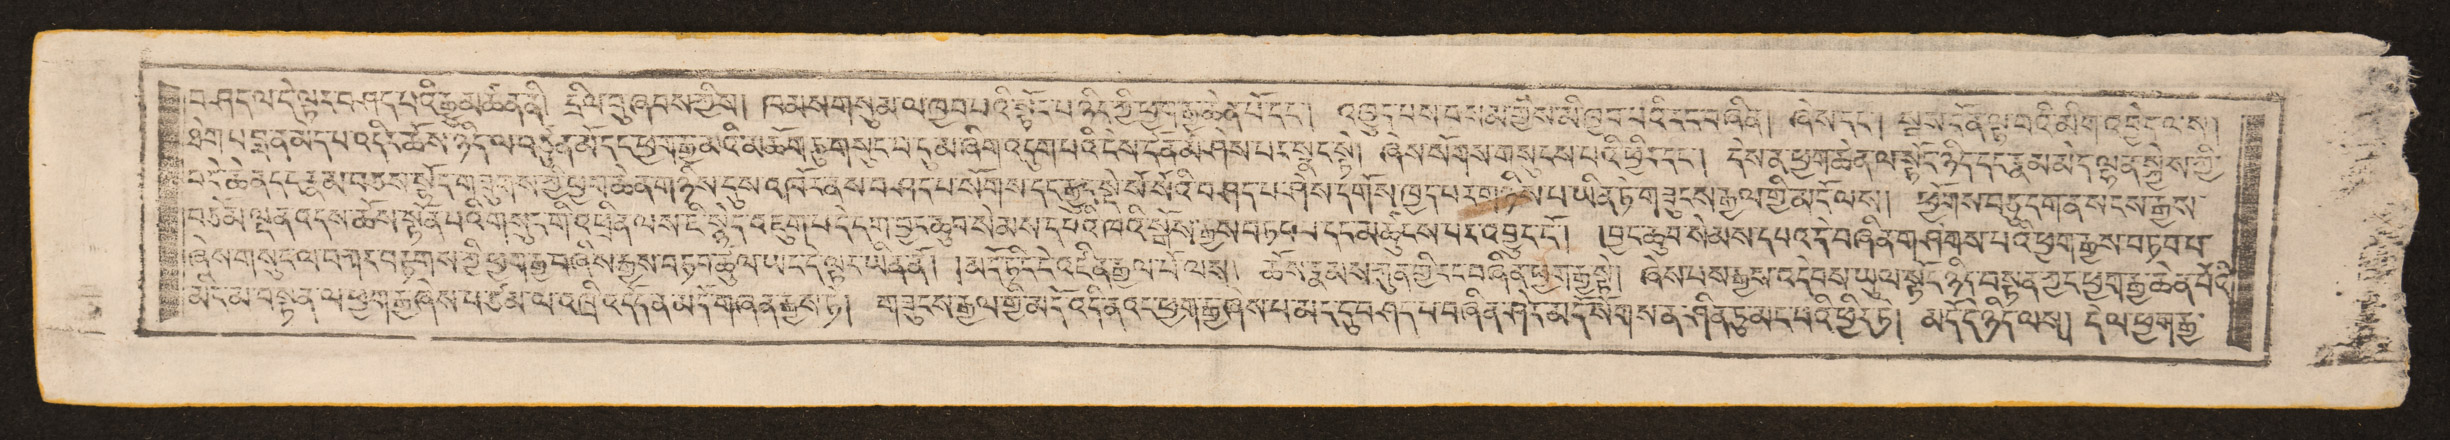བཤད་ལ་དེ་ལྟར་བཤད་པའི་རྒྱུ་མཚན་ནི། དྲིལ་བུ་ཞབས་ཀྱིས། ཁམས་གསུམ་ལ་ཁྱབ་པའི་སྟོང་པ་ཉིད་ཀྱི་ཕྱག་རྒྱ་ཆེན་པོ་དང་། འཁྱུད་པས་བསམ་གྱིས་མི་ཁྱབ་པའི་རང་བཞིན། ཞེས་དང་། སྦས་དོན་ལྟ་བའི་མིག་འབྱེད་ལས།
ཐེག་པ་བླ་ན་མེད་པ་འདིར་ཆོས་ཉིད་ལ་བཙུན་མོ་དང་ཕྱག་རྒྱ་མའི་མཆོག་ཏུ་གསུང་བ་དུ་མ་ཞིག་འདུག་པའི་ངེས་དོན་མི་ཤེས་པར་སྣང་སྟེ། ཞེས་སོགས་གསུངས་པའི་ཕྱིར་དང་། དེས་ན་ཕྱག་ཆེན་ལ་སྟོང་ཉིད་དང་རྣམ་མེད་ལྷན་སྐྱེས་ཀྱི་
བདེ་ཆེན་དང་རྣམ་བཅས་སྟོང་གཟུགས་ཀྱི་ཕྱག་ཆེན་གཉིས་དུས་འཁོར་ནས་བཤད་པ་སོགས་དང་རྒྱུད་སྡེ་སོ་སོའི་བཤད་པ་ཤེས་དགོས་ཁྱད་པར་གཉིས་པ་ཡིན་ཏེ་གཟུངས་རྒྱལ་གྱི་མདོ་ལས། ཕྱོགས་བཅུ་དག་ན་སངས་རྒྱས་
བཅོམ་ལྡན་འདས་ཆོས་སྟོན་པའི་གསུང་གི་འཕྲིན་ལས་ཇི་སྙེད་འཇུག་པ་དེ་དག་བྱང་ཆུབ་སེམས་དཔའི་ཁའི་སྒོས་རྒྱས་བཏབ་པ་དང་མཚུངས་པར་འབྱུང་ངོ། །བྱང་ཆུབ་སེམས་དཔའ་དེ་བཞིན་གཤེགས་པའི་ཕྱག་རྒྱས་བཏབ་པ་
ཞེས་གསུང་ལ་བཀར་བརྟགས་ཀྱི་ཕྱག་རྒྱ་བཞིས་རྒྱས་བཏབ་ཚུལ་ཡང་དེ་ལྟར་ཡིན་ནོ། །མདོ་ཏིང་ངེ་འཛིན་རྒྱལ་པོ་ལས། ཆོས་རྣམས་ཀུན་གྱི་རང་བཞིན་ཕྱག་རྒྱ་སྟེ། ཞེས་པས་རྒྱས་འདེབས་ཡུལ་སྟོང་ཉིད་བསྟན་ཀྱང་ཕྱག་རྒྱ་ཆེན་པོའི་
མིང་མ་བསྟན་ལ་ཕྱག་རྒྱ་ཞེས་པ་ཙམ་ལ་འཁྲི་འདོད་ན་མདོ་གཞན་རྒྱས་ཏེ། གཟུངས་རྒྱལ་གྱི་མདོ་འདི་ནའང་ཕྱག་རྒྱ་ཞེས་པ་མང་དུ་བཤད་པ་བཞིན་ཤེར་མདོ་སོགས་ན་ཤིན་ཏུ་མང་པའི་ཕྱིར་ཏེ། མདོ་དེ་ཉིད་ལས། དེ་ལ་ཕྱག་རྒྱ་